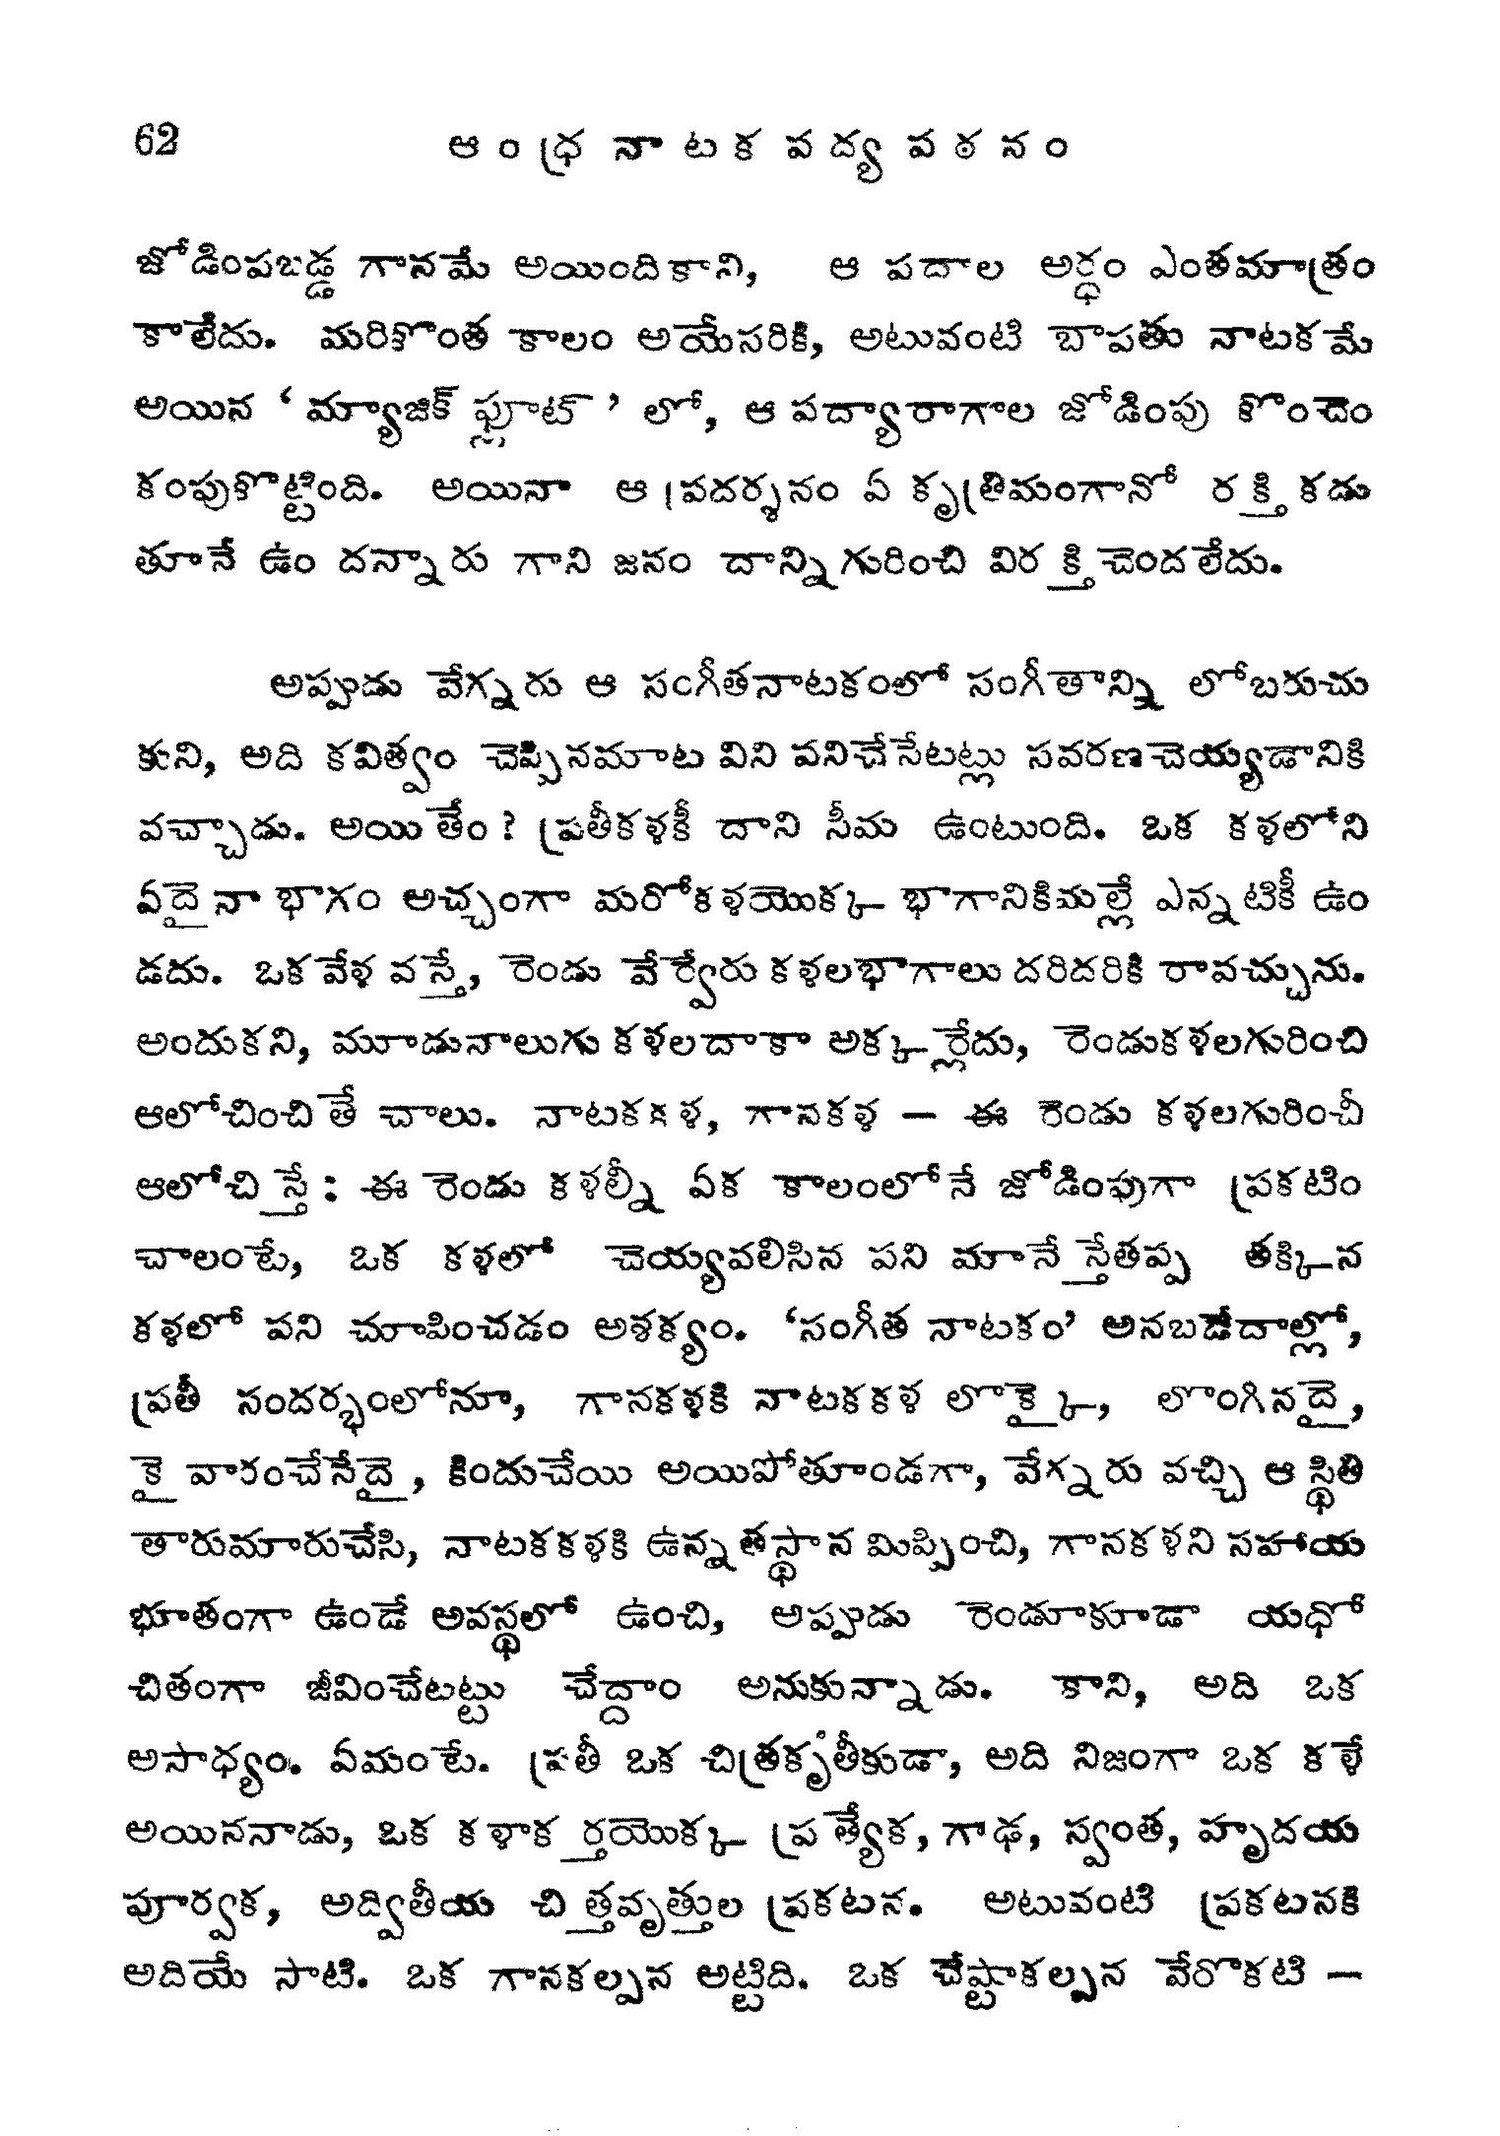జోడింపబడ్డ గానమే అయిందికాని, ఆ పదాల అర్ధం ఎంతమాత్రం
కాలేదు. మరికొంత కాలం అయేసరికి, అటువంటి బాపతు నాటకమే
అయిన ' మ్యాజిక్ ఫ్లూట్ ' లో, ఆ పద్యారాగాల జోడింపు కొంచెం
కంపుకొట్టింది. అయినా ఆ ప్రదర్శనం ఏ కృత్రిమంగానో రక్తి కడు
తూనే ఉం దన్నారు గాని జనం దాన్ని గురించి విరక్తి చెందలేదు.

అప్పుడు వేగ్నరు ఆ సంగీతనాటకంలో సంగీతాన్ని లోబరుచు
కుని, అది కవిత్వం చెప్పినమాట విని పనిచేసేటట్లు సవరణచెయ్యడానికి
వచ్చాడు. అయితేం ? ప్రతీకళకీ దాని సీమ ఉంటుంది. ఒక కళలోని
ఏదైనా భాగం అచ్చంగా మరోకళయొక్క భాగానికిమల్లే ఎన్నటికీ ఉం
డదు. ఒకవేళ వస్తే, రెండు వేర్వేరు కళలభాగాలు దరిదరికి రావచ్చును.
అందుకని, మూడునాలుగు కళలదాకా అక్క ర్లేదు, రెండుకళలగురించి
ఆలోచించితే చాలు. నాటకకళ, గానకళ - ఈ రెండు కళలగురించీ
ఆలోచిస్తే : ఈ రెండు కళల్నీ ఏక కాలంలోనే జోడింపుగా ప్రకటిం
చాలంటే, ఒక కళలో చెయ్యవలిసిన పని మానేస్తేతప్ప తక్కిన
కళలో పని చూపించడం అశక్యం. 'సంగీత నాటకం' అనబడేదాల్లో,
ప్రతీ సందర్భంలోనూ, గానకళకి నాటకకళ లొక్కై, లొంగినదై,
కై వారంచేసేదై, కిందుచేయి అయిపోతూండగా, వేగ్నరు వచ్చి ఆస్థితి
తారుమారుచేసి, నాటకకళకి ఉన్నతస్థాన మిప్పించి, గానకళని సహాయ
భూతంగా ఉండే అవస్థలో ఉంచి, అప్పుడు రెండూకూడా యధో
చితంగా జీవించేటట్టు చేద్దాం అనుకున్నాడు. కాని, అది ఒక
అసాధ్యం. ఏమంటే. ప్రతీ ఒక చిత్రకృతీకుడా, అది నిజంగా ఒక కళే
అయిననాడు, ఒక కళాకర్తయొక్క ప్రత్యేక, గాఢ, స్వంత, హృదయ
పూర్వక, అద్వితీయ చిత్తవృత్తుల ప్రకటన. అటువంటి ప్రకటనకి
అదియే సాటి. ఒక గానకల్పన అట్టిది. ఒక చేష్టాకల్పన వేరొకటి -